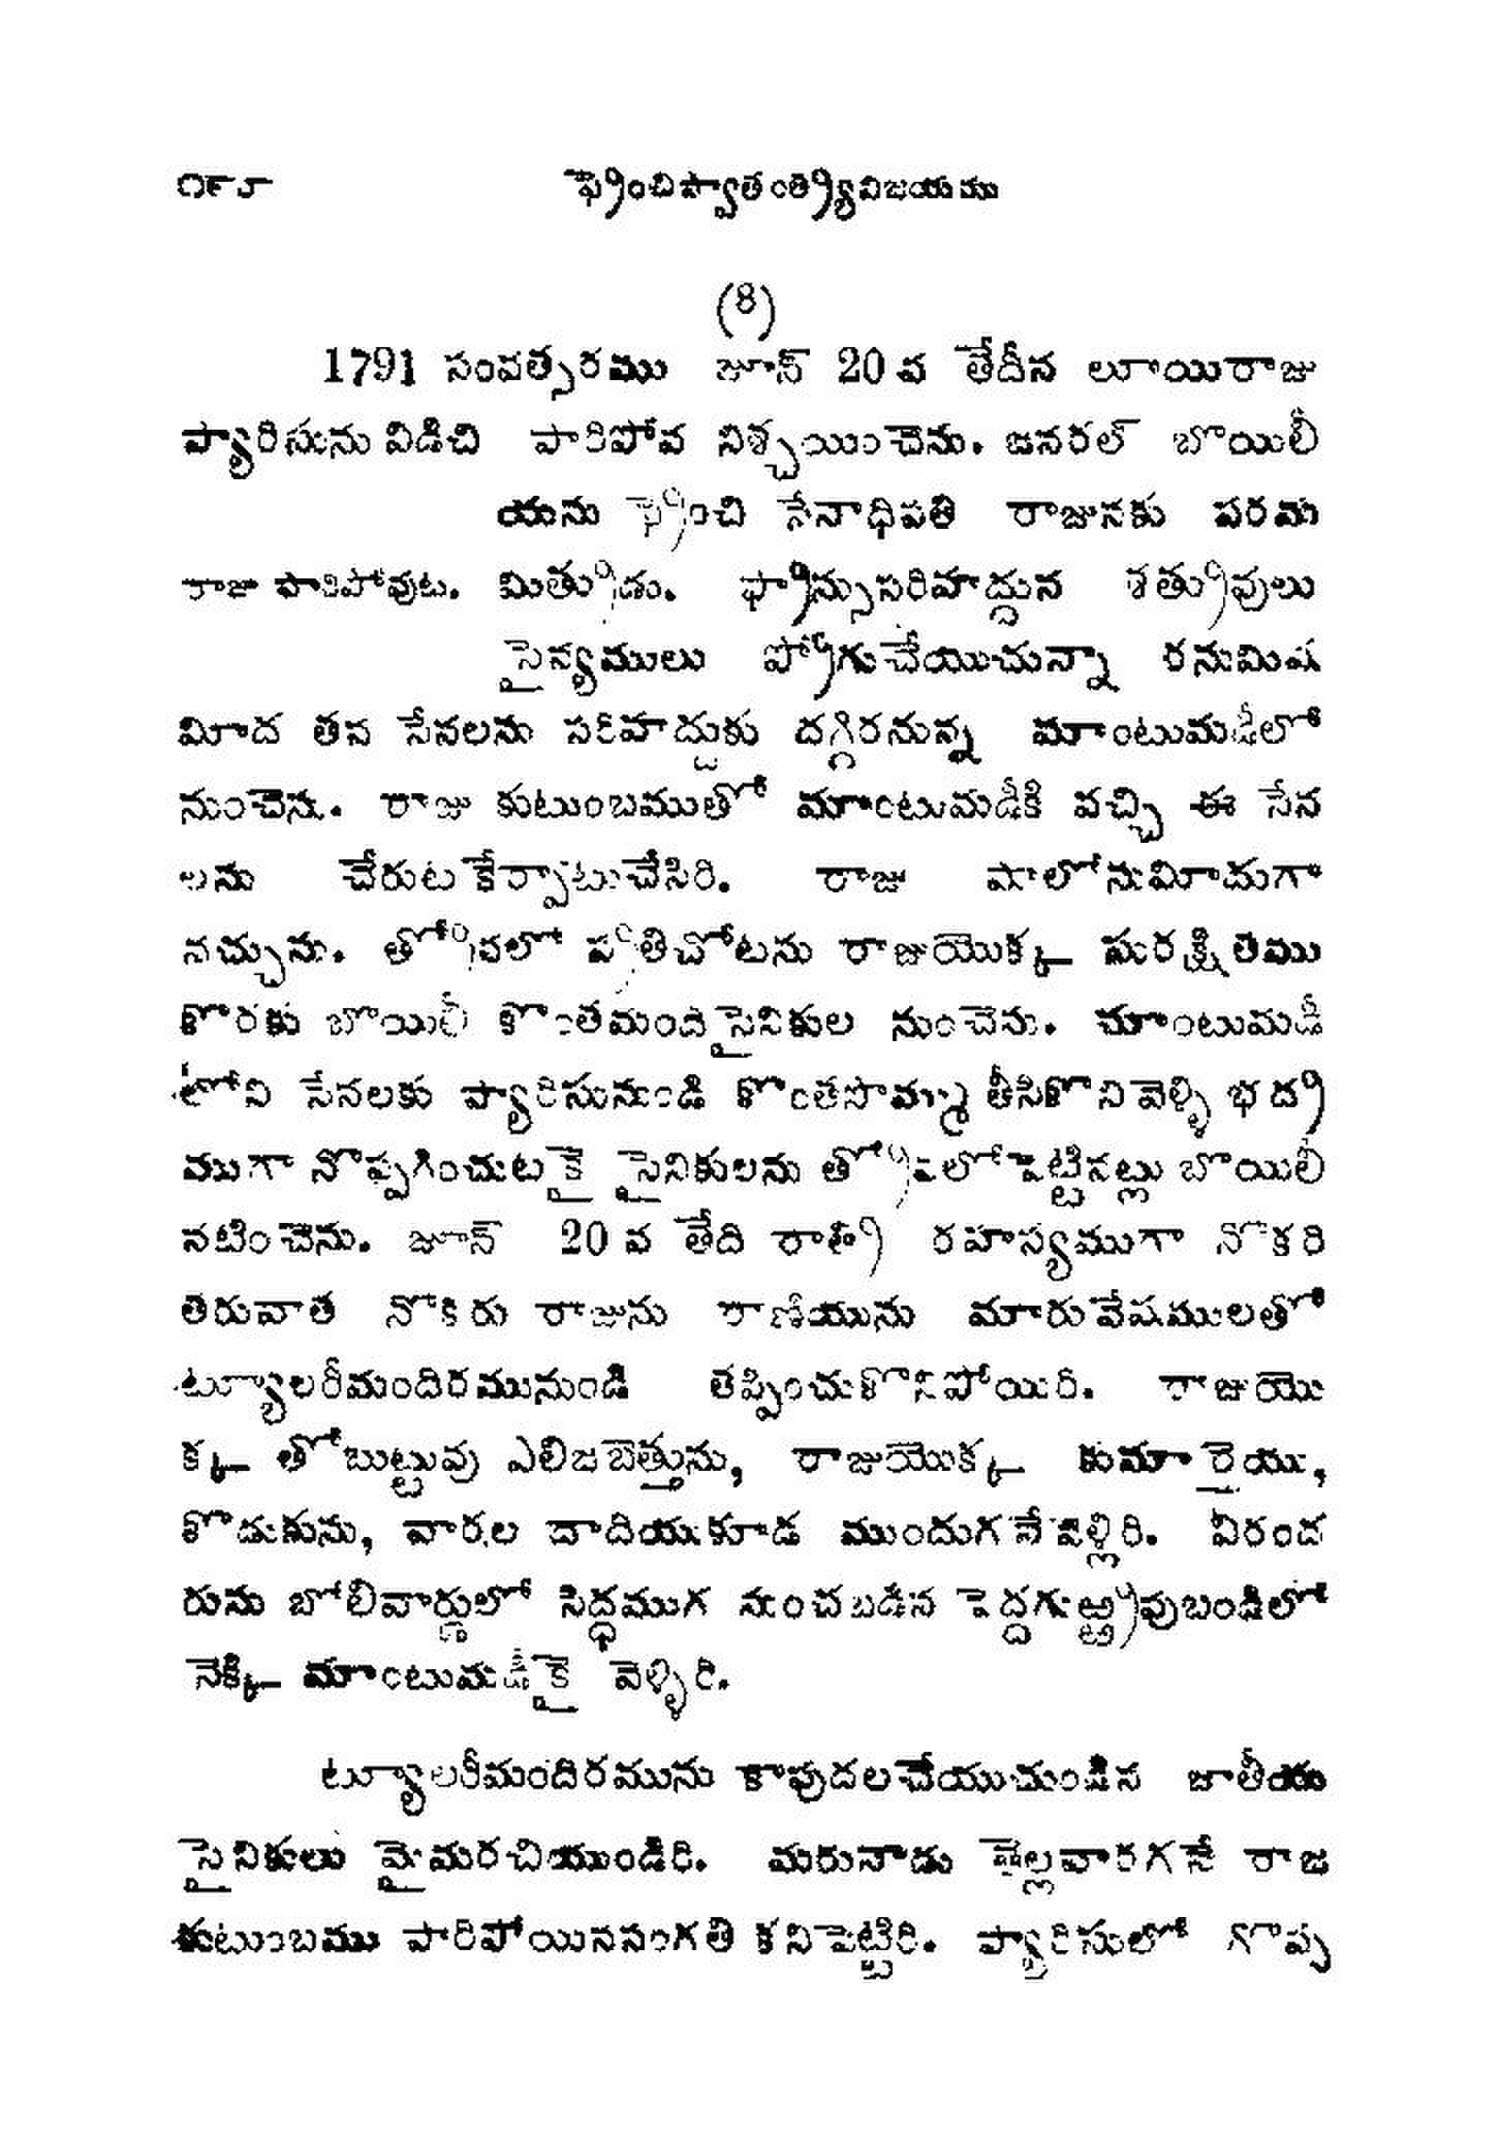రాజు పారి
పోవుట,

1791 సంవత్సరము జూప్ 20 వ తేదీన లూయిరాజు
ప్యారిసును విడిచి పారిపోవ నిశ్చయించెను. జనరల్ బొయిలీ
యను ఫెంచి సేనాధిపతి రాజునకు పరమ
మిత్రుడు. ఫ్రాన్సు సరిహద్దున శత్రువులు
సైన్యములు పోగు చేయుచున్నా రను మిష
మీద తన సేనలను సరిహద్దుకు దగ్గిర నున్న మాంటుమ-డీలో
నుంచెను. రాజు కుటుంబముతో మాంటుమడీకి వచ్చి ఈ సేన
లను చేరుట కేర్పాటు చేసిరి. రాజు షాలోను మీదుగా
వచ్చును.త్రోవలో ప్రతిచోటను రాజు యొక్క సురక్షితము
కొరకు బోయి కొంతమంది సైనికుల నుంచెను. మాంటుమడీ
లోని సేనలకు ప్యారీసునుండి కొంత సొమ్ము తీసికొని వెళ్ళి భద్ర
ముగా నొప్పగించుటకై సైనికులను త్రోవలో పెట్టినట్లు బొయిలీ
నటించేను. జూన్ 20 వ తేది రాత్రి, రహస్యముగా నొకరి
తరువాత నొకరు రాజును రాణియును మారు వేషములతో ట్యూలరీ
మందిరమునుండి తప్పించుకొని పోయిరి.రాజు యొక్క
 తోబుట్టువు ఎలిజబెత్తును, రాజుయొక్క కుమారైయు,
కొడుకును, వారల దాదీయు కూడ ముందుగ నే పెళ్లిరి. వీరంద
రుసు బోలివార్డులో సిద్ధముగ నుంచబడిన ఇద్దగుర్రవు బండిలో
నెక్కి మాంటుమడికై వెళ్ళిరి.

ట్యూలరీమందిరమును కాపుదలచేయుచుండిన జాతీయ
సైనికులు మైమరచియుండిరి. మరునాడు తెల్లవారగనే రాజు
కుటుంబము పారిపోయిన సంగతి కని పెట్టిరి. ప్యారిసులో గొప్ప